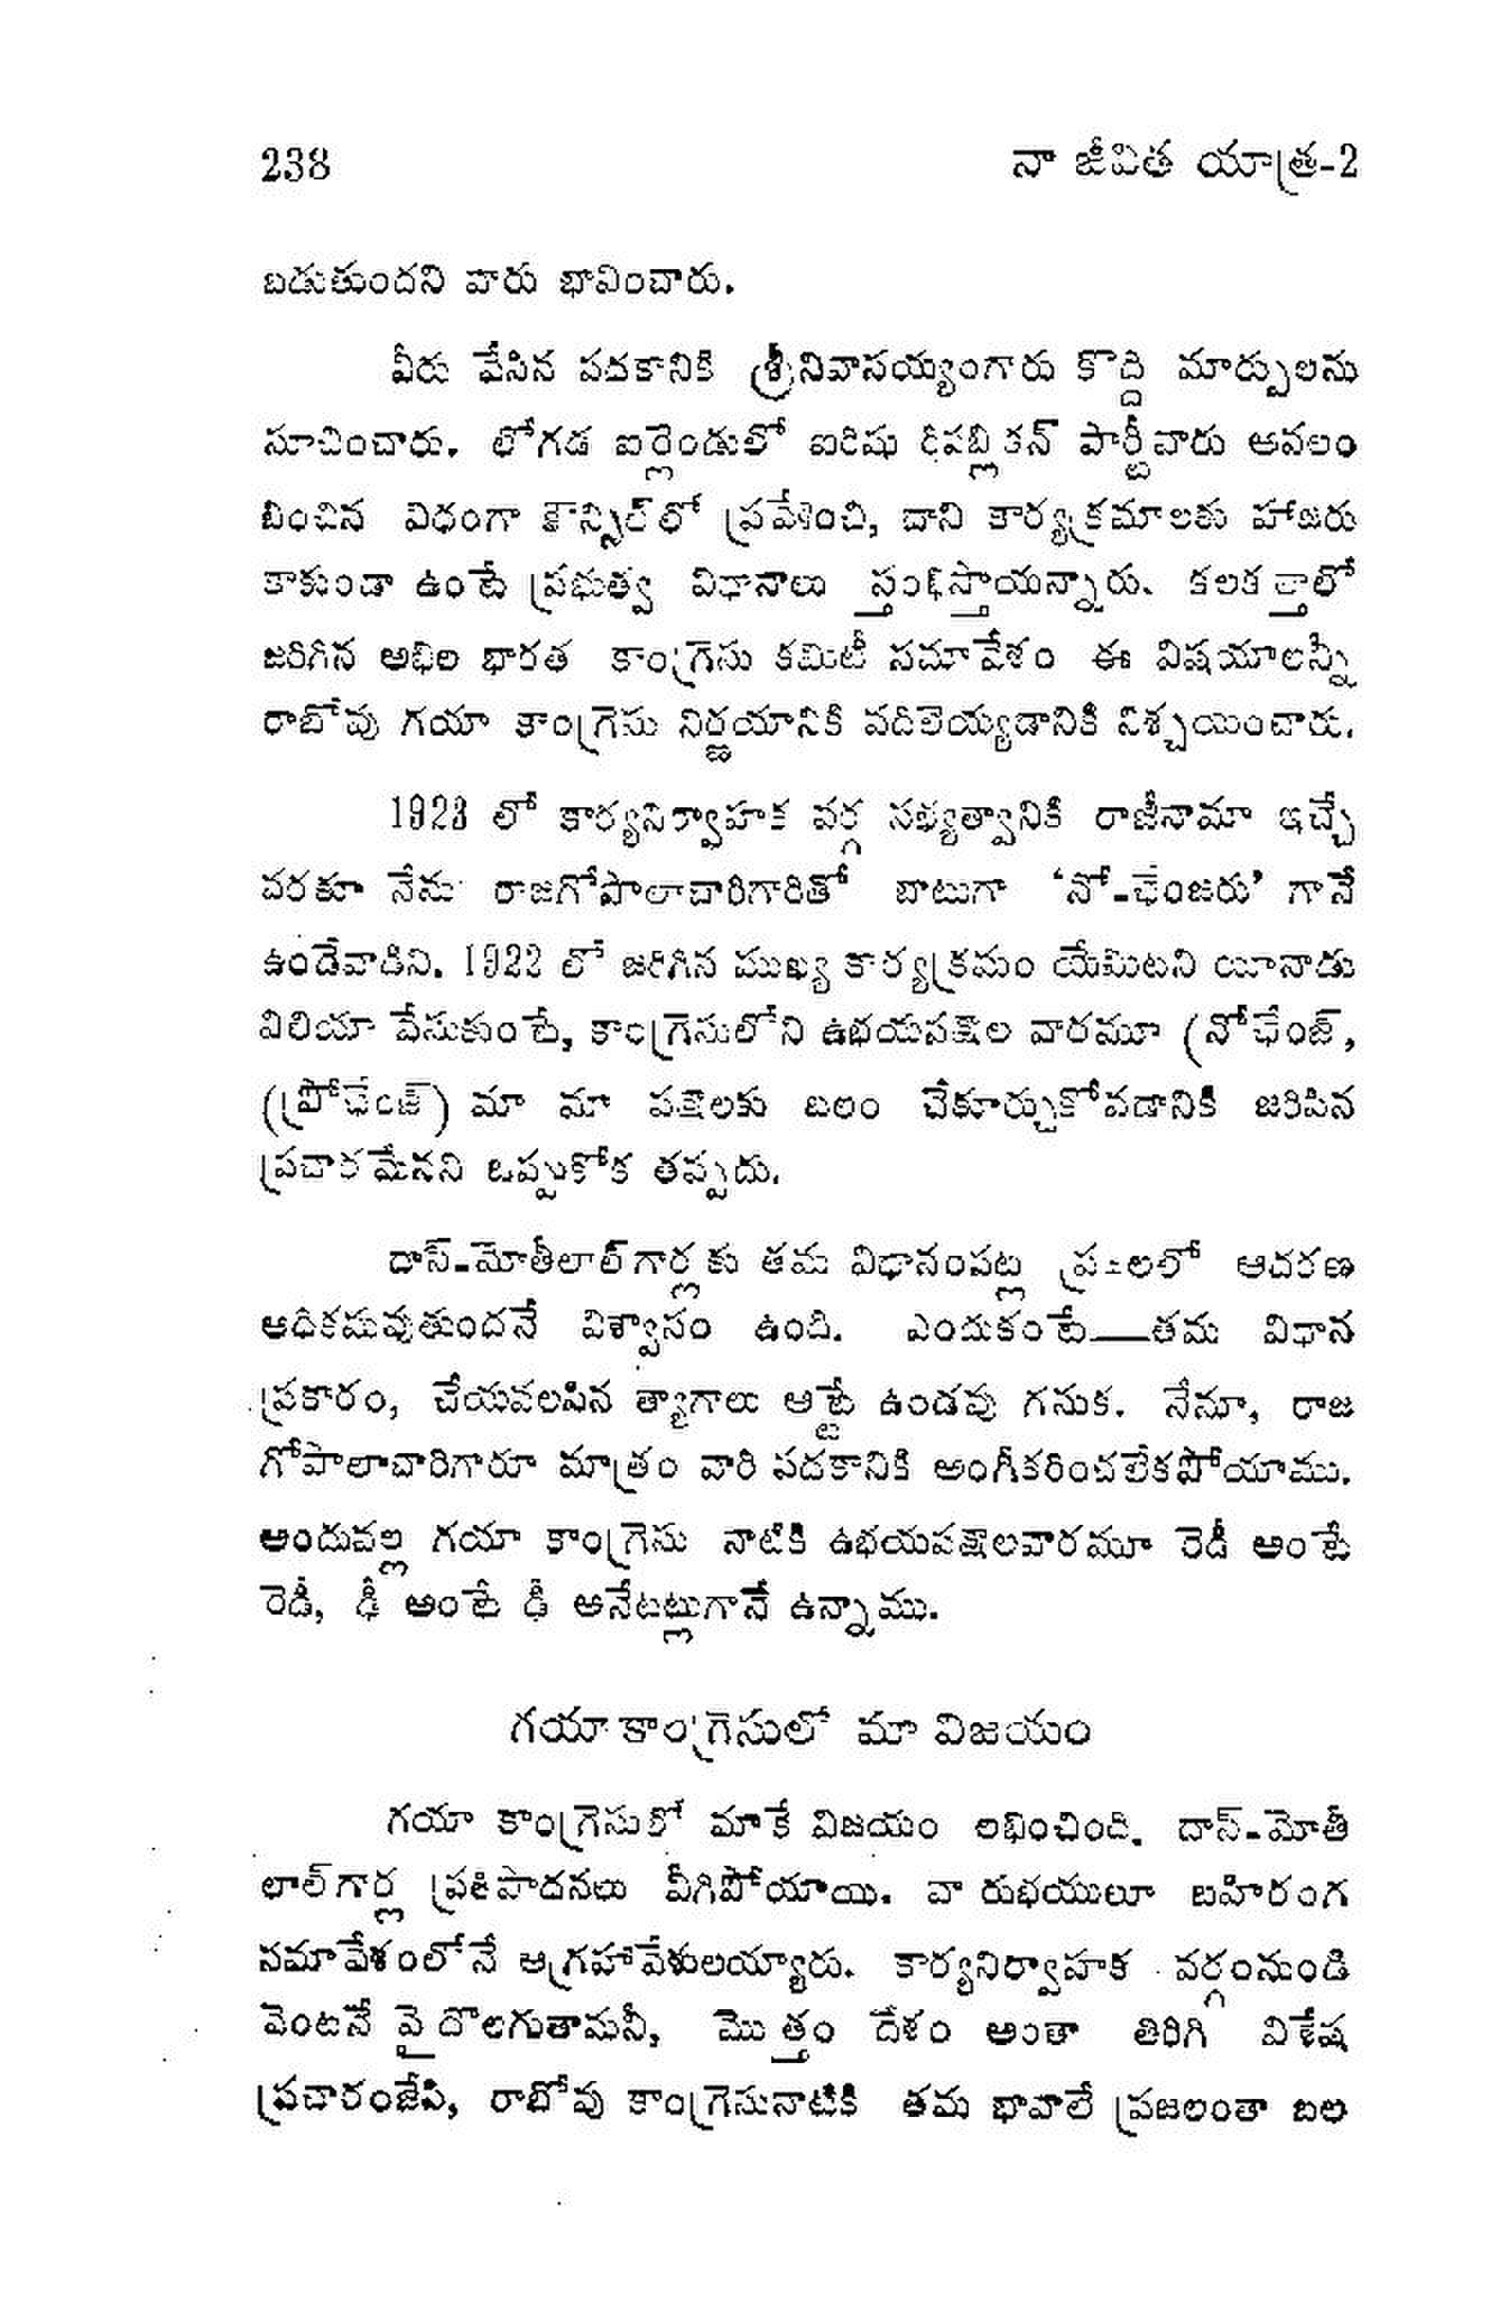బడుతుందని వారు బావించారు.

వీరు వేసిన పదకానికి శ్రీనివాసయ్యంగారు కొద్ది మార్పులను సూచించారు. లోగడ ఐర్లెండులో ఐరిషు రిపబ్లికన్ పార్టీవారు అవలంబించిన విధంగా కౌన్సిల్‌లో ప్రవేశించి, దాని కార్యక్రమాలకు హాజరు కాకుండా ఉంటే ప్రభుత్వ విధానాలు స్తంభిస్తాయన్నారు. కలకత్తాలో జరిగిన అఖిల భారత కాంగ్రెసు కమిటీ సమావేశం ఈ విషయాలన్నీ రాబోవు గయా కాంగ్రెసు నిర్ణయానికి వదిలెయ్యడానికి నిశ్చయించారు.

1923 లో కార్యనిర్వాహక వర్గ సభ్యత్వానికి రాజీనామా ఇచ్చే వరకూ నేను రాజగోపాలాచారిగారితో బాటుగా "నో-చేంజరు" గానే ఉండేవాడిని. 1922 లో జరిగిన ముఖ్య కార్యక్రమం యేమిటని యీనాడు విలియా వేసుకుంటే, కాంగ్రెసులోని ఉభయపక్షాల వారమూ (నోచేంజ్, ప్రోచేంజ్) మా మా పక్షాలకు బలం చేకూర్చుకోవడానికి జరిపిన ప్రచారమేనని ఒప్పుకోక తప్పదు.

దాస్-మోతిలాల్‌గార్లకు తమ విధానంపట్ల ప్రజలలో ఆచరణ అధికమవుతుందనే విశ్వాసం ఉంది. ఎందుకంటే-తమవిధాన ప్రకారం, చేయవలసిన త్యాగాలు అట్టే ఉండవు గనుక. నేనూ, రాజగోపాలాచారిగారూ మాత్రం వారి పదకానికి అంగీకరించలేక పోయాము. అందువల్ల గయా కాంగ్రెసు నాటికి ఉభయపక్షాలవారమూ రెడీ అంటే రెడీ, డీ అంటే డీ అనేటట్లుగానే ఉన్నాము.

గయా కాంగ్రెసులో మాకే విజయం లభించింది, దాస్-మోతిలాల్‌గార్ల ప్రతిపాదనలు వీగిపోయాయి. వా రుభయులూ బహిరంగ సమావేశంలోనే ఆగ్రహావేశులయ్యారు. కార్యనిర్వాహక వర్గంనుండి వెంటనే వైదొలగుతామనీ, మొత్తం దేశం అంతా తిరిగి విశేష ప్రచారంజేసి, రాబోవు కాంగ్రెసునాటికి తమ భావలే ప్రజలంతా బల